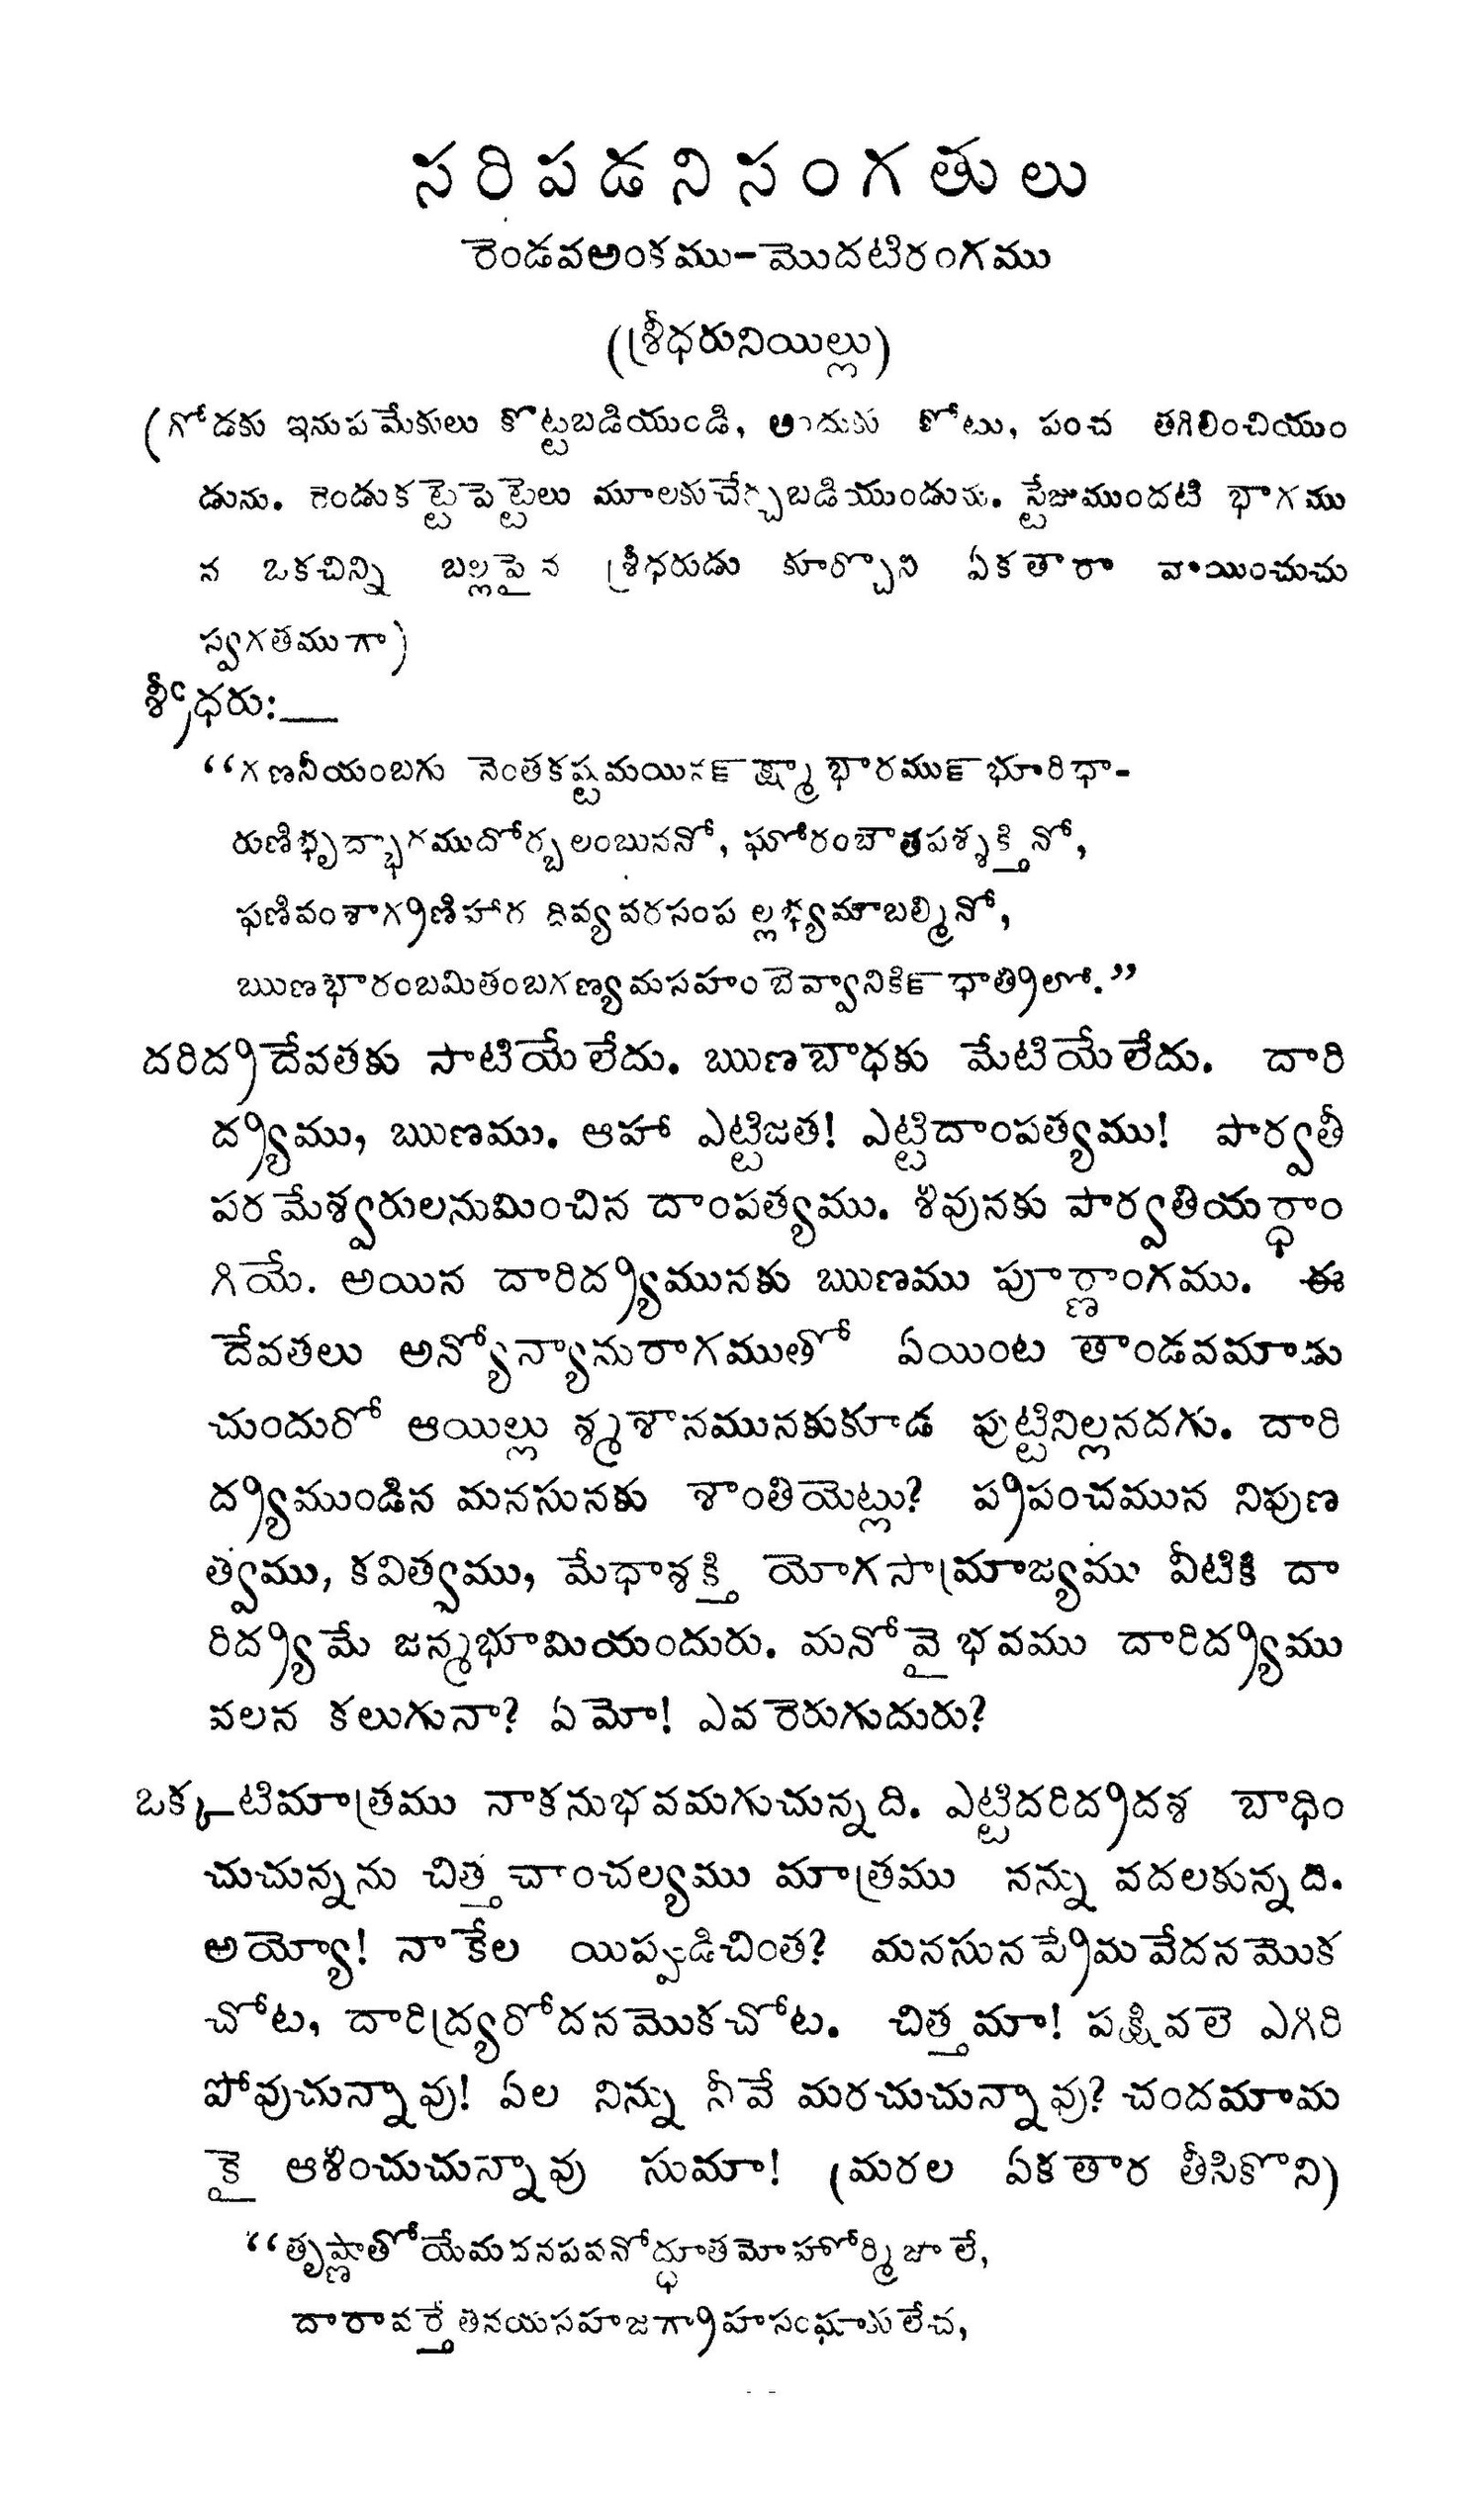(గోడకు ఇనుప మేకులు కొట్టబడియుండి, ఆదుకు కోటు, పంచతగిలించియుం
డును. రెండుకట్టె పెట్టెలు మూలకు చేడ్చబడి యుండును. స్టేజుముందటి భాగము
న ఒక చిన్ని బల్ల పైన శ్రీధరుడు కూర్చొని ఏక తారా వాయించుచు
స్వగతము గా)
శ్రీధరు: -

గణనీయంబగు నెంతకష్టమయినన్ క్ష్మాభారము భూరి ధా-
రుణి భృద్భాగముదోగ్బ లంబుననో, ఘోరంభౌతపశ్శక్తి నో,
ఫణివంశాగ్రణిహాగ దివ్య పరసంపల్లభ్యమౌబల్మినో,
ఋణ భారంబమితంబగణ్య మసహం బెవ్వానికి ధాత్రిలో.”

దరిద్ర దేవతకు సాటియే లేదు. ఋణ బాధకు మేటియే లేదు. దారి
ద్ర్యము, ఋణము. ఆహా ఎట్టిజత! ఎట్టి దాంపత్యము! పార్వతీ
పరమేశ్వరులను మించిన దాంపత్యము. శివునకు పార్వతియర్ధాం
గియే. అయిన దారిద్యమునకు ఋణము పూర్ణాంగము. ' ఈ
దేవతలు అన్యోన్యాను రాగముతో ఏయింట తాండవమాడు
చుందురో ఆయిల్లు శ్మశానమునకుకూడ పుట్టినిల్లనదగు. దారి
ద్యముండిన మనసునకు శాంతి యెట్లు? ప్రపంచమున నిపుణ
త్వము, కవిత్వము, మేధాశక్తి యోగ సామ్రాజ్యము వీటికి దా
రిద్ర్యమే జన్మభూమియందురు. మనో వైభవము దారిద్యము
వలన కలుగునా? ఏమో! ఎవ రెరుగుదురు?

ఒక్కటిమాత్రము నాకసుభ వమగుచున్నది. ఎట్టిదరిద్రదశ బాధిం
చుచున్నను చిత్త చాంచల్యము మాత్రము నన్ను వదలకున్నది.
అయ్యో! నా కేల యిప్పుడిచింత? మనసున ప్రేమ వేదన మొక
చోట, దారిద్ర్యరోదన మొక చోట. చిత్తమా! పక్షివలె ఎగిరి
పోవుచున్నావు! ఏల నిన్ను నీవే మరచుచున్నావు? చందమామ
కై ఆశించుచున్నావు సుమా! మరల ఏక తార తీసికొని)

" తృష్ణాతో యేమ వనపవనోద్ధూత మో హోర్మి జా లే,
దారాపర్తె తనయ సహజ గ్రోహ సంఘాకు లేచ,